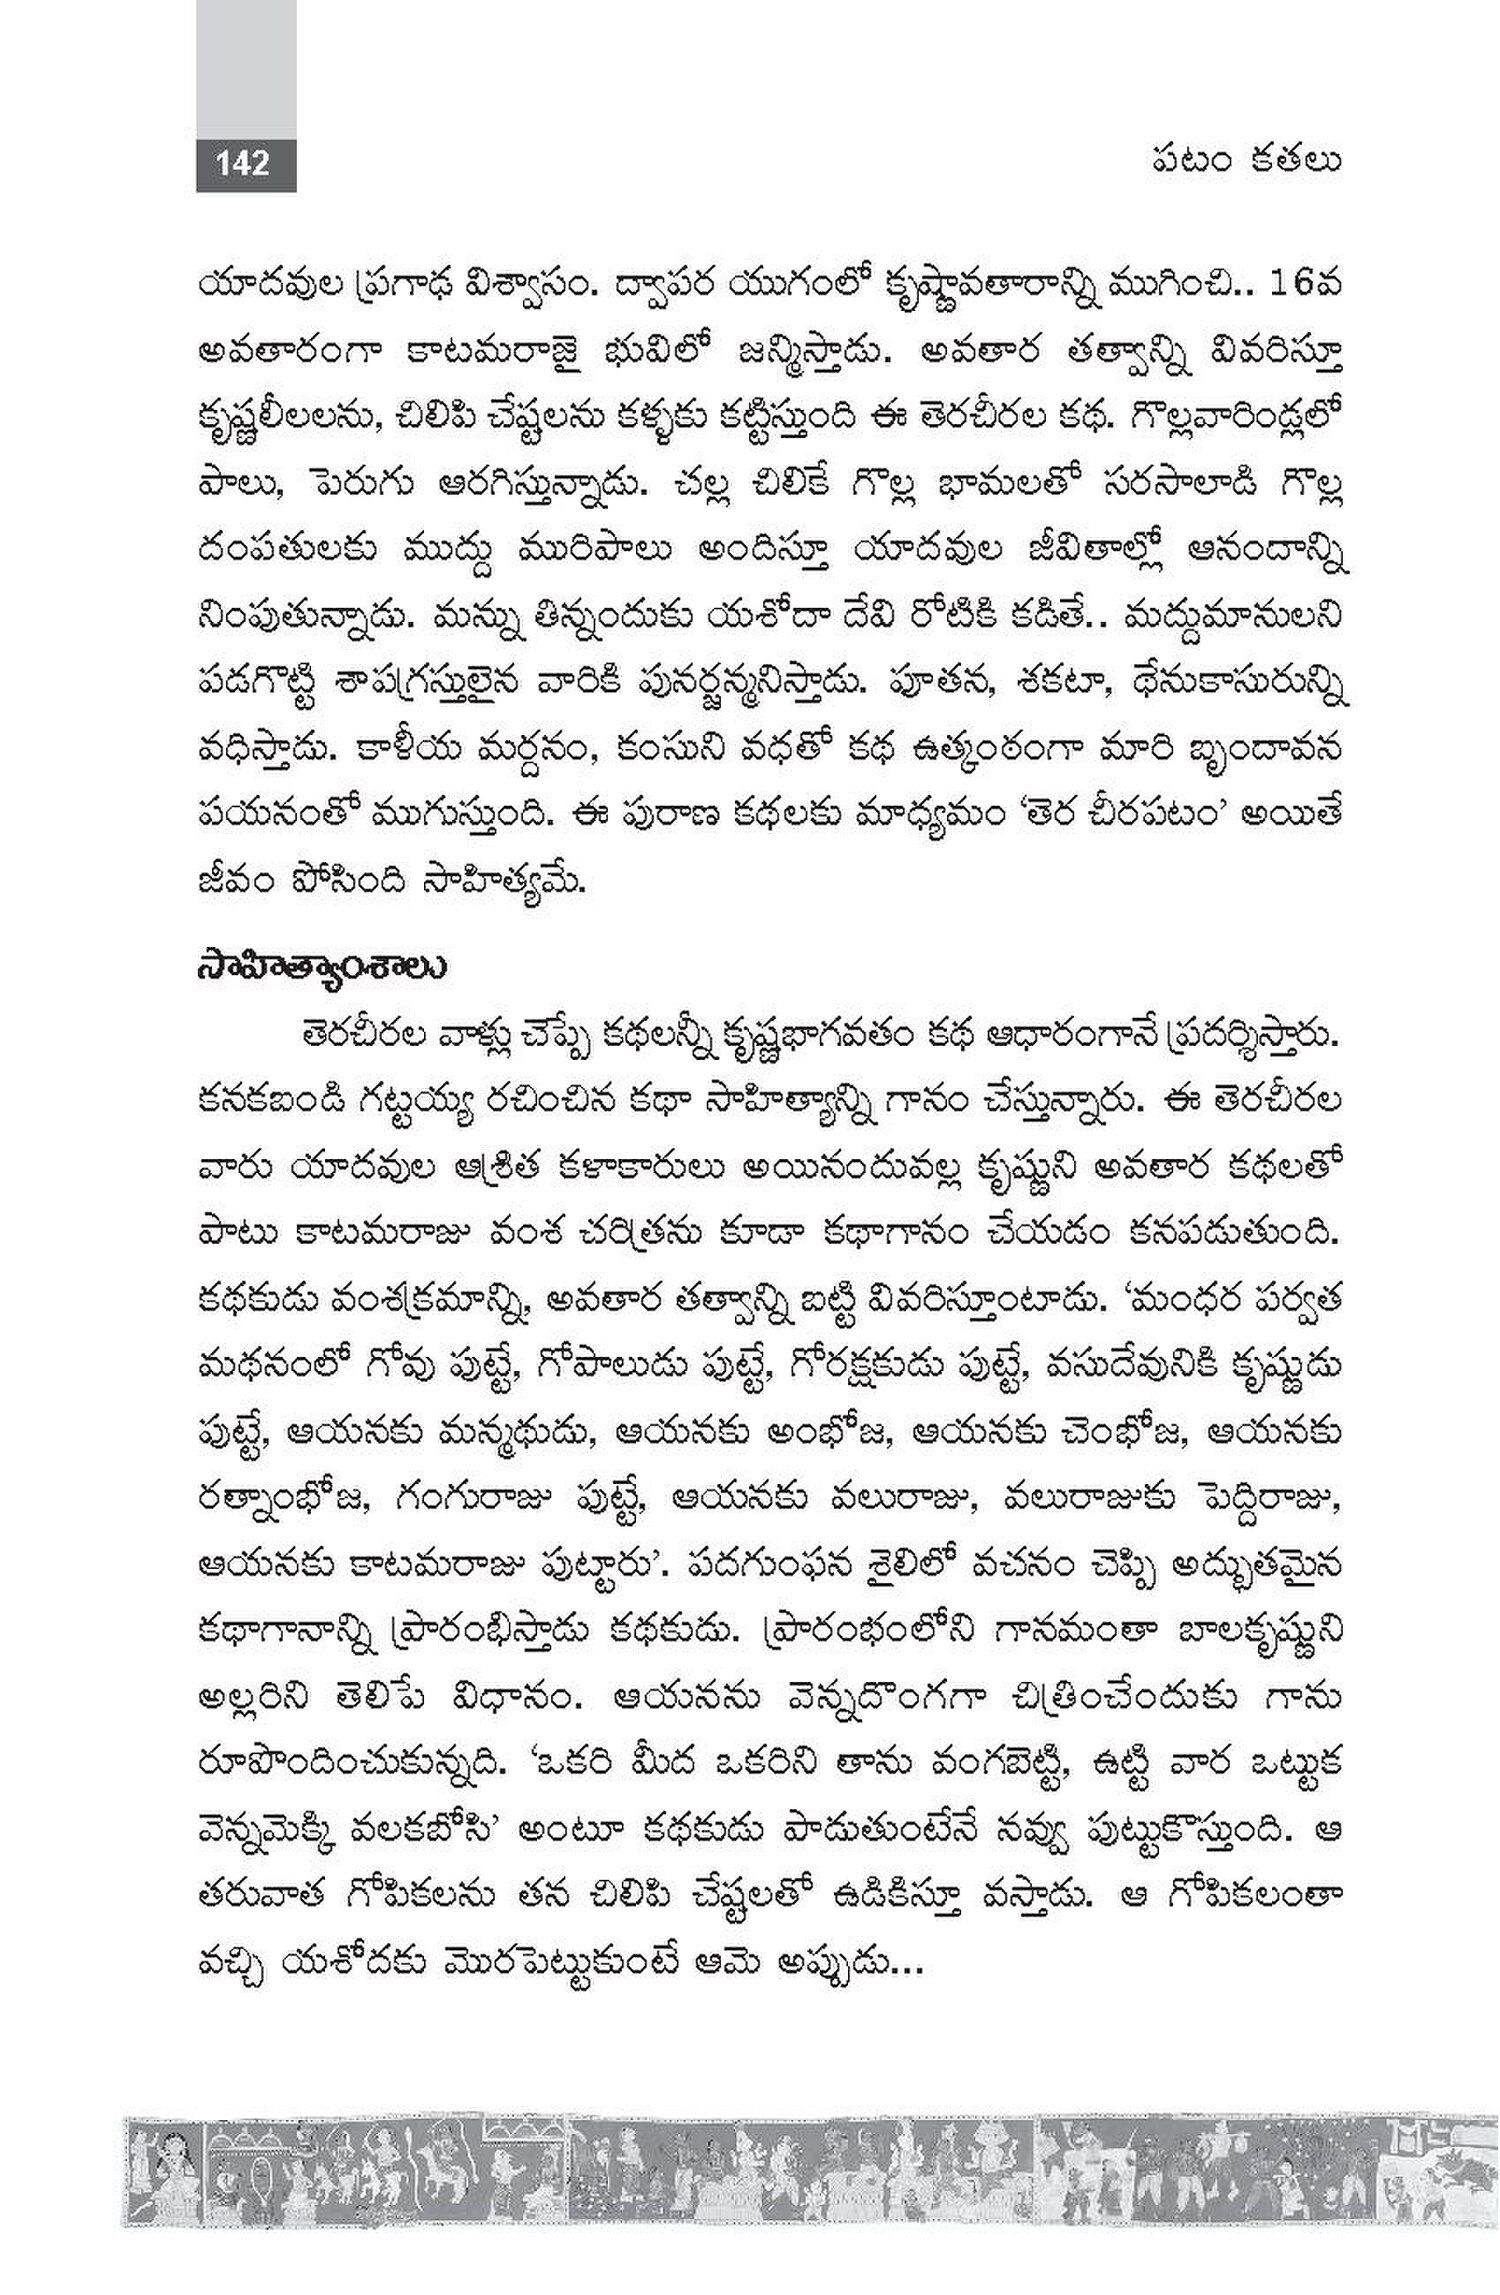యాదవుల ప్రగాఢ విశ్వాసం. ద్వాపర యుగంలో కృష్ణావతారాన్ని ముగించి.. 16వ అవతారంగా కాటమరాజై భువిలో జన్మిస్తాడు. అవతార తత్వాన్ని వివరిస్తూ కృష్ణలీలలను, చిలిపి చేష్టలను కళ్ళకు కట్టిస్తుంది ఈ తెరచీరల కథ. గొల్లవారిండ్లలో పాలు, పెరుగు ఆరగిస్తున్నాడు. చల్ల చిలికే గొల్ల భామలతో సరసాలాడి గొల్ల దంపతులకు ముద్దు మురిపాలు అందిస్తూ యాదవుల జీవితాల్లో ఆనందాన్ని నింపుతున్నాడు. మన్ను తిన్నందుకు యశోదా దేవి రోటికి కడితే.. మద్దుమానులని పడగొట్టి శాపగ్రస్తులైన వారికి పునర్జన్మనిస్తాడు. పూతన, శకటా, థేనుకాసురున్ని వధిస్తాడు. కాళీయ మర్దనం, కంసుని వధతో కథ ఉత్కంఠంగా మారి బృందావన పయనంతో ముగుస్తుంది. ఈ పురాణ కథలకు మాధ్యమం 'తెర చీరపటం' అయితే జీవం పోసింది సాహిత్యమే.

సాహిత్యాంశాలు 

తెరచీరల వాళ్లు చెప్పే కథలన్నీ కృష్ణభాగవతం కథ ఆధారంగానే ప్రదర్శిస్తారు. కనకబండి గట్టయ్య రచించిన కథా సాహిత్యాన్ని గానం చేస్తున్నారు. ఈ తెరచీరల వారు యాదవుల ఆశ్రిత కళాకారులు అయినందువల్ల కృష్ణుని అవతార కథలతో పాటు కాటమరాజు వంశ చరిత్రను కూడా కథాగానం చేయడం కనపడుతుంది. కథకుడు వంశక్రమాన్ని, అవతార తత్వాన్ని బట్టి వివరిస్తూంటాడు. 'మంధర పర్వత మథనంలో గోవు పుట్టే, గోపాలుడు పుట్టే, గోరక్షకుడు పుట్టే, వసుదేవునికి కృష్ణుడు పుట్టే, ఆయనకు మన్మథుడు, ఆయనకు అంభోజ, ఆయనకు చెంభోజ, ఆయనకు రత్నాంభోజ, గంగురాజు పుట్టే, ఆయనకు వలురాజు, వలురాజుకు పెద్దిరాజు, ఆయనకు కాటమరాజు పుట్టారు'. పదగుంఫన శైలిలో వచనం చెప్పి అద్భుతమైన కథాగానాన్ని ప్రారంభిస్తాడు కథకుడు. ప్రారంభంలోని గానమంతా బాలకృష్ణుని అల్లరిని తెలిపే విధానం. ఆయనను వెన్నదొంగగా చిత్రించేందుకు గాను రూపొందించుకున్నది. 'ఒకరి మీద ఒకరిని తాను వంగబెట్టి, ఉట్టి వార ఒట్టుక వెన్నమెక్కి వలకబోసి' అంటూ కథకుడు పాడుతుంటేనే నవ్వు పుట్టుకొస్తుంది. ఆ తరువాత గోపికలను తన చిలిపి చేష్టలతో ఉడికిస్తూ వస్తాడు. ఆ గోపికలంతా వచ్చి యశోదకు మొరపెట్టుకుంటే ఆమె అప్పుడు...